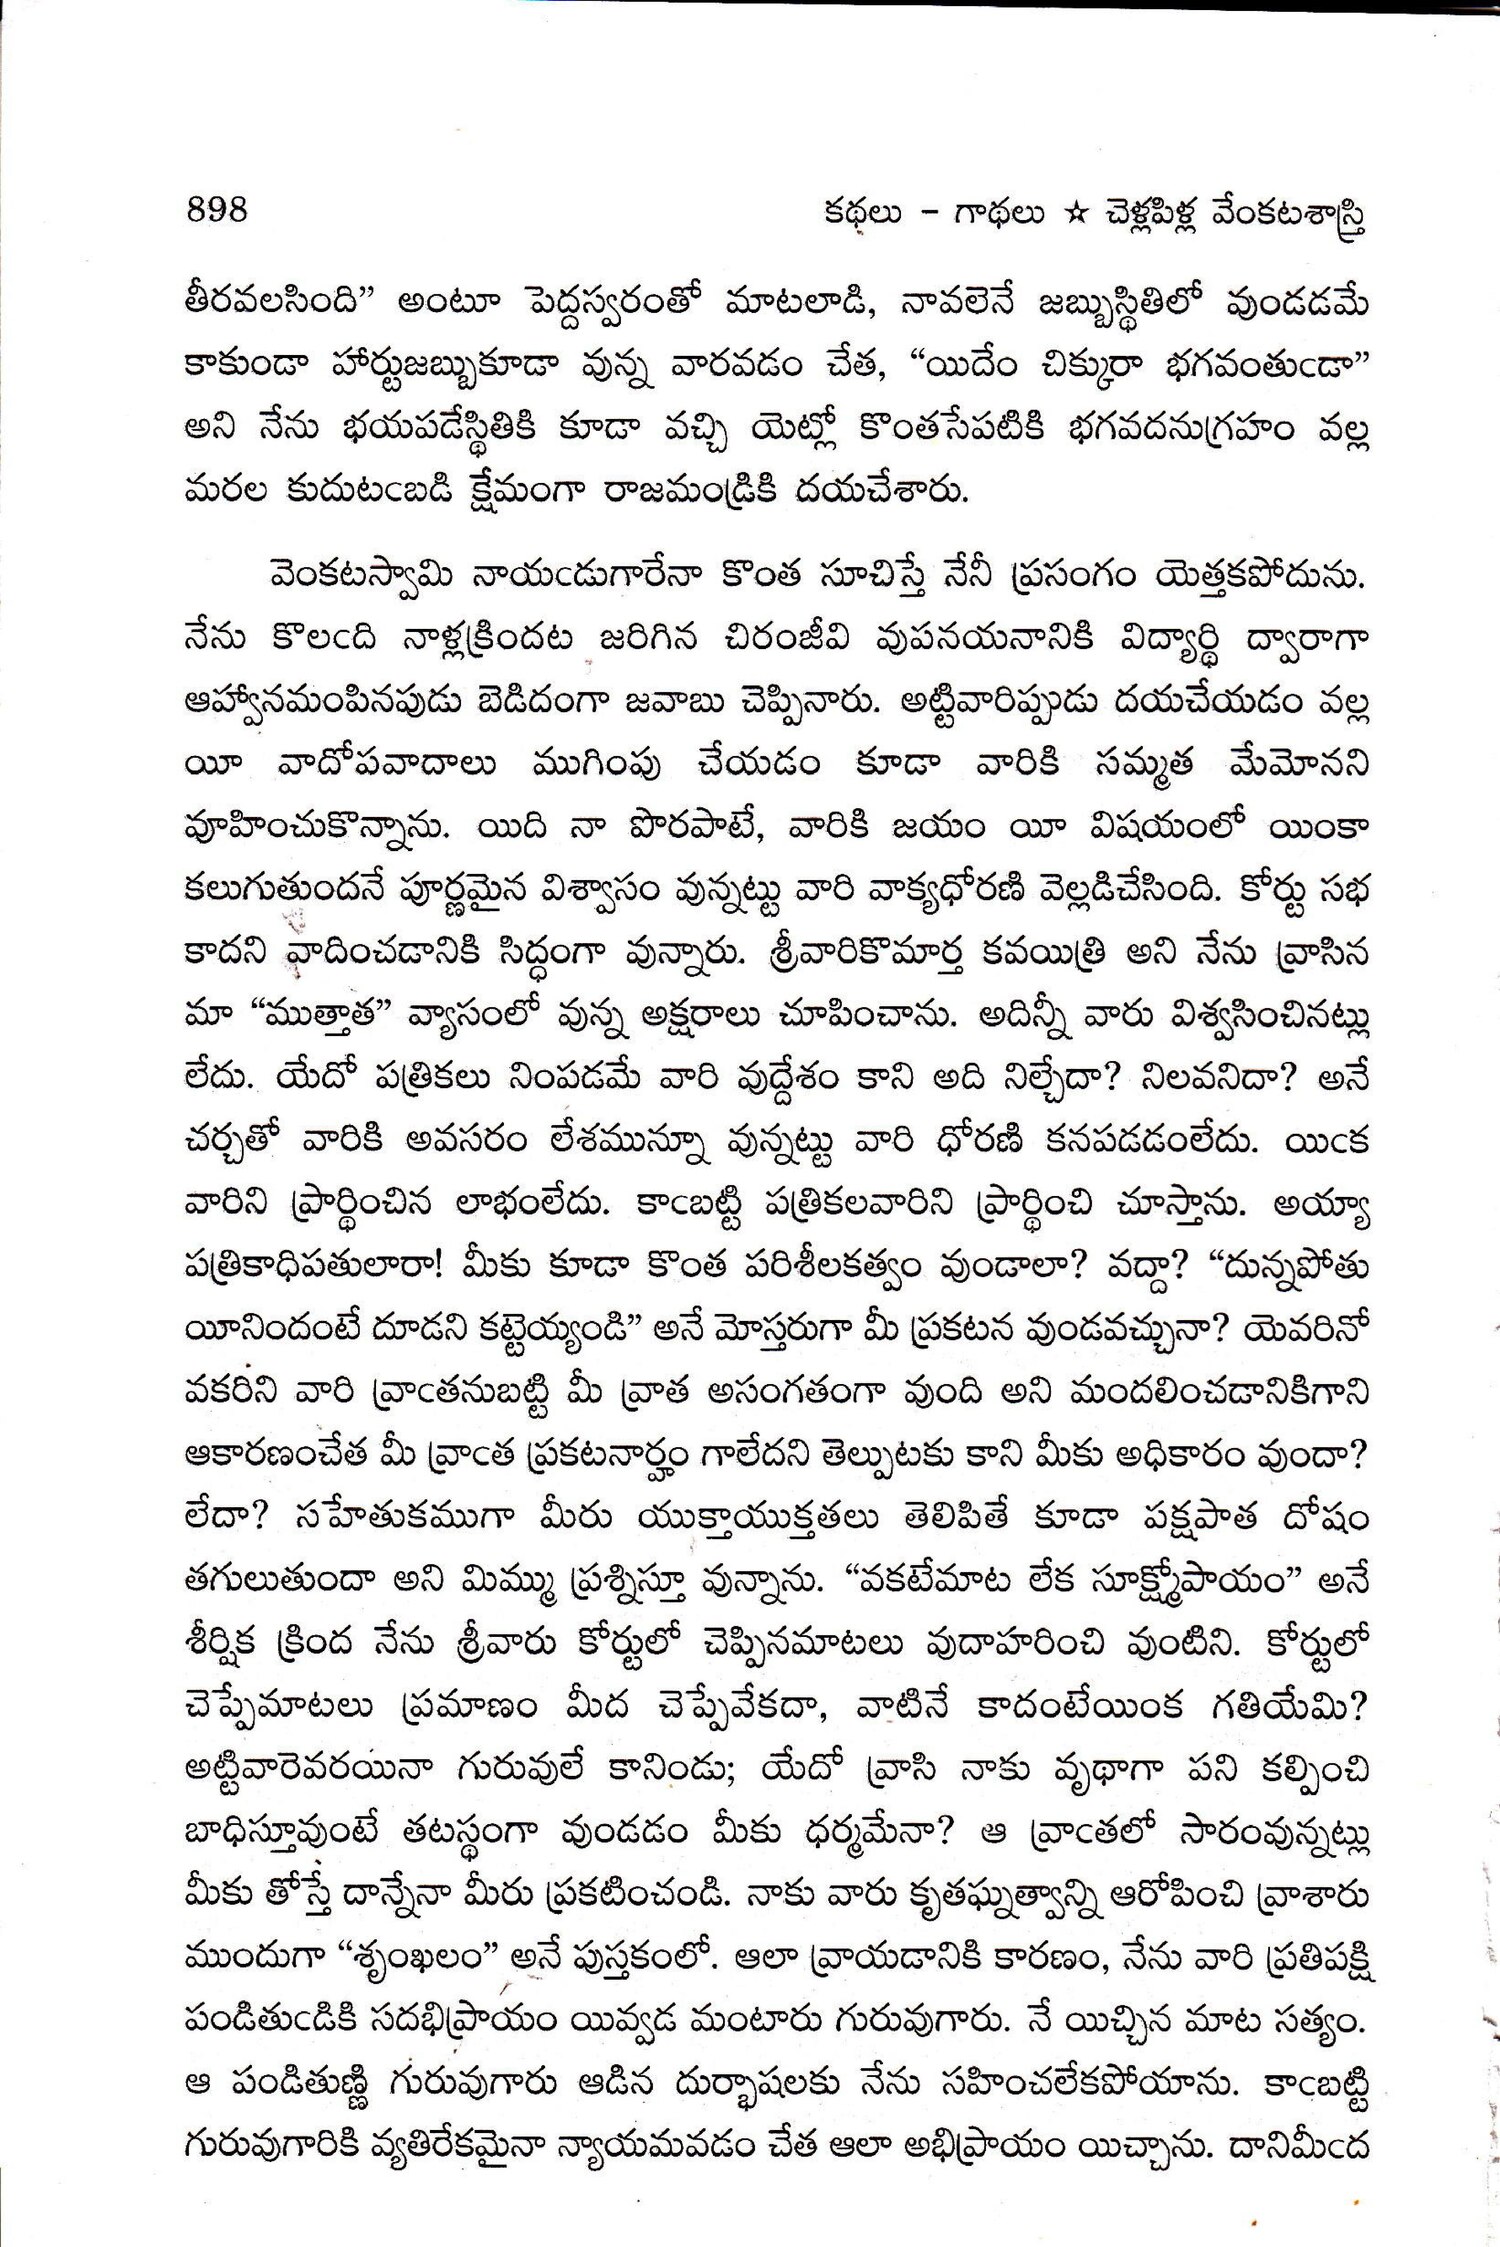తీరవలసింది” అంటూ పెద్దస్వరంతో మాటలాడి, నావలెనే జబ్బుస్థితిలో వుండడమే కాకుండా హార్టుజబ్బుకూడా వున్న వారవడం చేత, “యిదేం చిక్కురా భగవంతుండా" అని నేను భయపడేస్థితికి కూడా వచ్చి యెట్లో కొంతసేపటికి భగవదనుగ్రహం వల్ల మరల కుదుటఁబడి క్షేమంగా రాజమండ్రికి దయచేశారు.

వెంకటస్వామి నాయఁడుగారేనా కొంత సూచిస్తే నేనీ ప్రసంగం యెత్తకపోదును. నేను కొలఁది నాళ్లక్రిందట జరిగిన చిరంజీవి వుపనయనానికి విద్యార్థి ద్వారాగా ఆహ్వానమంపినపుడు బెడిదంగా జవాబు చెప్పినారు. అట్టివారిప్పుడు దయచేయడం వల్ల యీ వాదోపవాదాలు ముగింపు చేయడం కూడా వారికి సమ్మత మేమోనని వూహించుకొన్నాను. యిది నా పొరపాటే, వారికి జయం యీ విషయంలో యింకా కలుగుతుందనే పూర్ణమైన విశ్వాసం వున్నట్టు వారి వాక్యధోరణి వెల్లడిచేసింది. కోర్డు సభ కాదని వాదించడానికి సిద్ధంగా వున్నారు. శ్రీవారికొమార్త కవయిత్రి అని నేను వ్రాసిన మా "ముత్తాత" వ్యాసంలో వున్న అక్షరాలు చూపించాను. అదిన్నీ వారు విశ్వసించినట్లు లేదు. యేదో పత్రికలు నింపడమే వారి వుద్దేశం కాని అది నిల్చేదా? నిలవనిదా? అనే చర్చతో వారికి అవసరం లేశమున్నూ వున్నట్టు వారి ధోరణి కనపడడంలేదు. యిఁక వారిని ప్రార్థించిన లాభంలేదు. కాఁబట్టి పత్రికలవారిని ప్రార్ధించి చూస్తాను. అయ్యా పత్రికాధిపతులారా! మీకు కూడా కొంత పరిశీలకత్వం వుండాలా? వద్దా? “దున్నపోతు యీనిందంటే దూడని కట్టెయ్యండి" అనే మోస్తరుగా మీ ప్రకటన వుండవచ్చునా? యెవరినో వకరిని వారి వ్రాఁతనుబట్టి మీ వ్రాత అసంగతంగా వుంది అని మందలించడానికిగాని ఆకారణంచేత మీ వ్రాఁత ప్రకటనార్హం గాలేదని తెల్పుటకు కాని మీకు అధికారం వుందా? లేదా? సహేతుకముగా మీరు యుక్తాయుక్తతలు తెలిపితే కూడా పక్షపాత దోషం తగులుతుందా అని మిమ్ము ప్రశ్నిస్తూ వున్నాను. "వకటేమాట లేక సూక్ష్మోపాయం" అనే శీర్షిక క్రింద నేను శ్రీవారు కోర్టులో చెప్పినమాటలు వుదాహరించి వుంటిని. కోర్టులో చెప్పేమాటలు ప్రమాణం మీద చెప్పేవేకదా, వాటినే కాదంటేయింక గతియేమి? అట్టివారెవరయినా గురువులే కానిండు; యేదో వ్రాసి నాకు వృథాగా పని కల్పించి బాధిస్తూవుంటే తటస్థంగా వుండడం మీకు ధర్మమేనా? ఆ వ్రాఁతలో సారంవున్నట్లు మీకు తోస్తే దాన్నేనా మీరు ప్రకటించండి. నాకు వారు కృతఘ్నత్వాన్ని ఆరోపించి వ్రాశారు ముందుగా "శృంఖలం" అనే పుస్తకంలో. ఆలా వ్రాయడానికి కారణం, నేను వారి ప్రతిపక్షి పండితుఁడికి సదభిప్రాయం యివ్వడ మంటారు గురువుగారు. నే యిచ్చిన మాట సత్యం. ఆ పండితుణ్ణి గురువుగారు ఆడిన దుర్భాషలకు నేను సహించలేకపోయాను. కాఁబట్టి గురువుగారికి వ్యతిరేకమైనా న్యాయమవడం చేత ఆలా అభిప్రాయం యిచ్చాను. దానిమీఁద